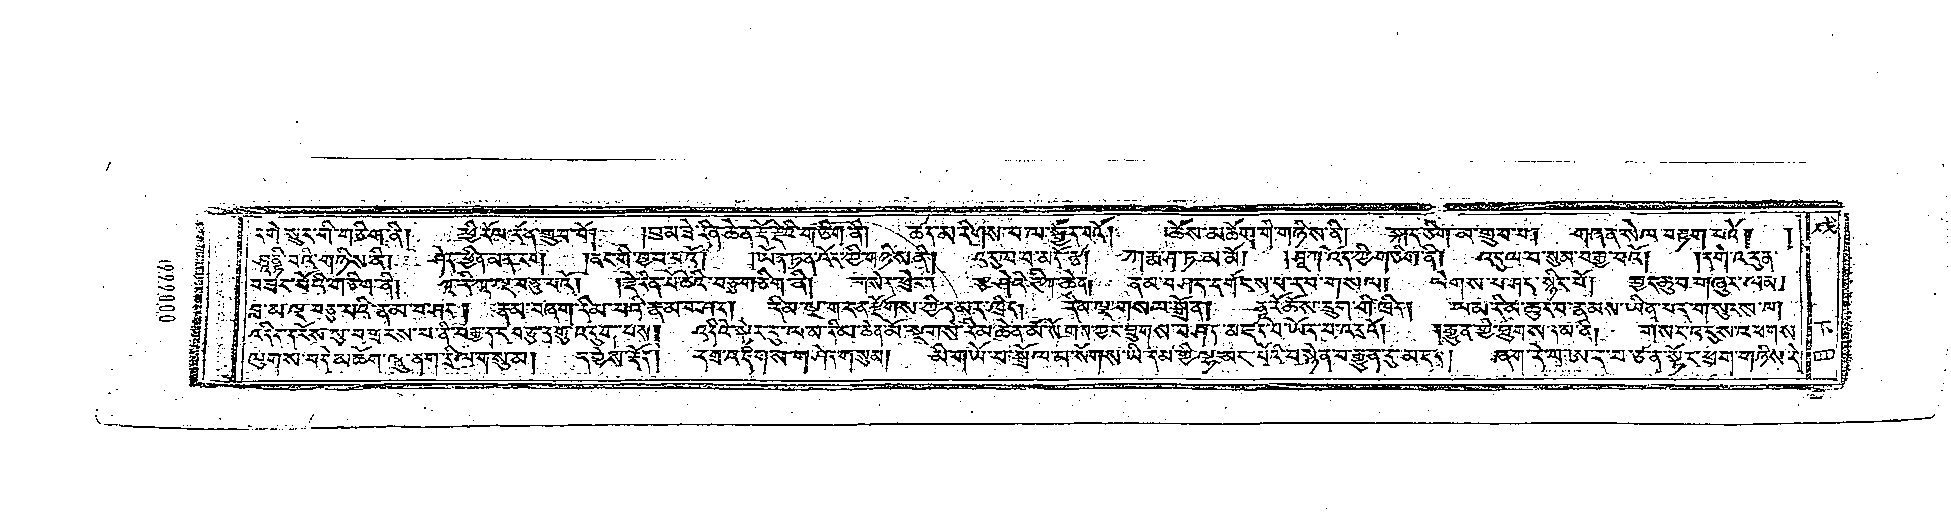དགེ་སྲུང་གི་གཅིག་ནི། ཕྱི་རོལ་དོན་གྲུབ་པོ། །བྲམ་ཟེ་རིན་ཆེན་རྡོ་རྗེའི་གཅིག་ནི། ཚད་མ་རིགས་པ་ལ་སྦྱོར་བའོ། །ཆོས་མཆོག་གི་གཉིས་ནི། སྐད་ཅིག་མ་གྲུབ་པ། གཞན་སེལ་བརྟག་པའོ། །
ཤཱནྟི་བའི་གཉིས་ནི། ཤེར་ཕྱིན་མན་ངག། །ནང་གི་ཁྱབ་པའོ། །ཡོན་ཏན་འོང་ཀྱི་གཉིས་ནི། འདུལ་བ་མདོ་ཙྭ། ཀརྨ་ཤ་ཏ་མ་མོ། །ཤཱཀ་འོད་ཀྱི་གཅིག་ནི། འདུལ་བ་སུམ་བརྒྱ་པའོ། །དགེ་འདུན་
བཟང་པོའི་གཅིག་ནི། ཀཱ་རི་ཀཱ་ལྔ་བཅུ་པའོ། །རྗེ་རིན་པོ་ཆེའི་བཅུ་གཅིག་ནི། གསེར་ཕྲེང་། རྩ་ཤེའི་ཊིཀ་ཆེན། ནམ་བཤད་དགོངས་པ་རབ་གསལ། ལེགས་བཤད་སྙིང་པོ། བྱང་ཆུབ་གཞུང་ལམ།
བླ་མ་ལྔ་བཅུ་པའི་རྣམ་བ་ཤད། རྣམ་བཞག་རིམ་པའི་རྣམ་བ་ཤར། རིམ་ལྔ་གདན་རྫོགས་ཀྱི་དམར་ཁྲིད། རིམ་ལྔ་གསལ་སྒྲོན། ནཱ་རོ་ཆོས་དྲུག་གི་ཁྲིད། ལམ་རིམ་ཆུང་བ་རྣམས་ཡིན་པར་གསུངས་ལ།
འདིར་དངོས་སུ་བགྲངས་པ་ནི་བརྒྱ་དང་བཅུ་དགུ་འདུག་པས། འདིའི་སྟེང་དུ་ལམ་རིམ་ཆེན་མོ་སྔགས་རིམ་ཆེན་མོ་སོགས་ཀྱང་ཐུགས་བཤད་མཛད་པ་ཡོད་པ་འདྲའོ། །རྒྱུན་གྱི་ཐུགས་དམ་ནི། གསང་འདུས་འཕགས་
ལུགས་བདེ་མཆོག་ལཱུ་ནག་དྲིལ་གསུམ། དགྱེས་རྡོར། དགྲ་འཇིགས་གཤེད་གསུམ། མི་གཡོ་པ་སྒྲོལ་མ་སོགས་ཡི་དམ་གྱི་ལྷ་མང་པོའི་བསྙེན་བ་རྒྱུན་དུ་མཛད། ཞག་རེ་ལ་ཨ་ར་པ་ཙ་ན་སྟོང་ཕྲག་གཉིས་རེ་